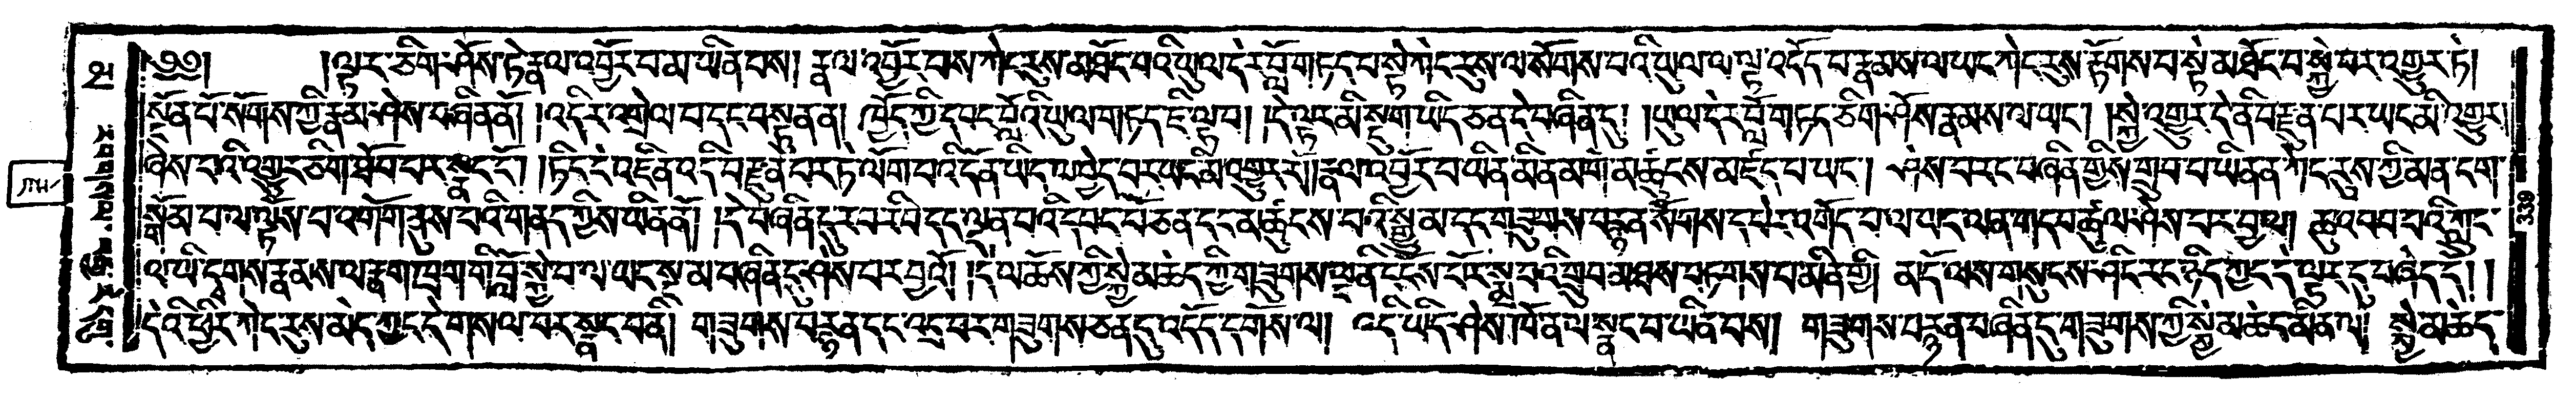༄༅། །ལྟར་ཅིག་ཤོས་ཏེ་རྣལ་འབྱོར་པ་མ་ཡིན་པས། རྣལ་འབྱོར་བས་ཀེང་རུས་མཐོང་བའི་ཡུལ་དེར་བློ་གཏད་པ་སྟེ་ཀེང་རུས་ལ་སོགས་པའི་ཡུལ་ལ་ལྟ་འདོད་པ་རྣམས་ལ་ཡང་ཀེང་རུས་རྟོགས་པ་སྟེ་མཐོང་བ་སྐྱེ་བར་འགྱུར་ཏེ།
སྔོན་པོ་སོགས་ཀྱི་རྣམ་ཤེས་བཞིན་ནོ། །འདིར་འགྲེལ་པ་དང་བསྟུན་ན། ཁྱོད་ཀྱི་དབང་བློའི་ཡུལ་གཏད་ཇི་ལྟ་བ། །དེ་ལྟར་མི་སྡུག་ཡིད་ཅན་དེ་བཞིན་དུ། །ཡུལ་དེར་བློ་གཏད་ཅིག་ཤོས་རྣམས་ལ་ཡང་། །སྐྱེ་འགྱུར་དེ་ནི་བརྫུན་པར་ཡང་མི་འགྱུར།
ཞེས་པའི་འགྱུར་ཅིག་ཐོབ་པར་སྣང་ངོ། །ཏིང་ངེ་འཛིན་འདི་བརྫུན་པར་ཏེ་ལོག་པའི་དོན་ཡིད་ལ་བྱེད་པར་ཡང་མི་འགྱུར་རོ། །རྣལ་འབྱོར་པ་ཡིན་མིན་མགོ་མཚུངས་མཛད་པ་ཡང་། ཤེས་པ་རང་བཞིན་གྱིས་གྲུབ་པ་ཡིན་ན་ཀེང་རུས་ཀྱི་མན་ངག་
སྒོམ་པ་ལ་ལྟོས་པ་འགོག་ནུས་པའི་གནད་ཀྱིས་ཡིན་ནོ། །དེ་བཞིན་དུ་རབ་རིབ་དང་ལྡན་པའི་དབང་པོ་ཅན་དང་མཚུངས་པའི་སྒྱུ་མ་དང་གཟུགས་བརྙན་སོགས་དཔེར་འགོད་པ་ལ་ཡང་ལན་གདབ་ཚུལ་ཤེས་པར་བྱ་ལ། ཆུ་འབབ་པའི་ཀླུང་
ལ་ཡི་དྭགས་རྣམས་ལ་རྣག་ཁྲག་གི་བློ་སྐྱེ་བ་ལ་ཡང་སྔ་མ་བཞིན་དུ་ཤེས་པར་བྱའོ། །དེ་ལ་ཆོས་ཀྱི་སྐྱེ་མཆེད་ཀྱི་གཟུགས་ལྔ་ནི་དངོས་པོར་སྨྲ་བའི་གྲུབ་མཐས་བཏགས་པ་མིན་གྱི། མདོ་ལས་གསུངས་ཤིང་རང་ཉིད་ཀྱང་དེ་ལྟར་དུ་བཞེད་དོ།།
དེའི་ཕྱིར་ཀེང་རུས་མེད་ཀྱང་དེ་གསལ་བར་སྣང་བ་ནི། གཟུགས་བརྙན་དང་འདྲ་བར་གཟུགས་ཅན་དུ་འདོད་དགོས་ལ། འདི་ཡིད་ཤེས་ཁོ་ན་ལ་སྣང་བ་ཡིན་པས། གཟུགས་བརྙན་བཞིན་དུ་གཟུགས་ཀྱི་སྐྱེ་མཆེད་མིན་ལ། སྐྱེ་མཆེད་